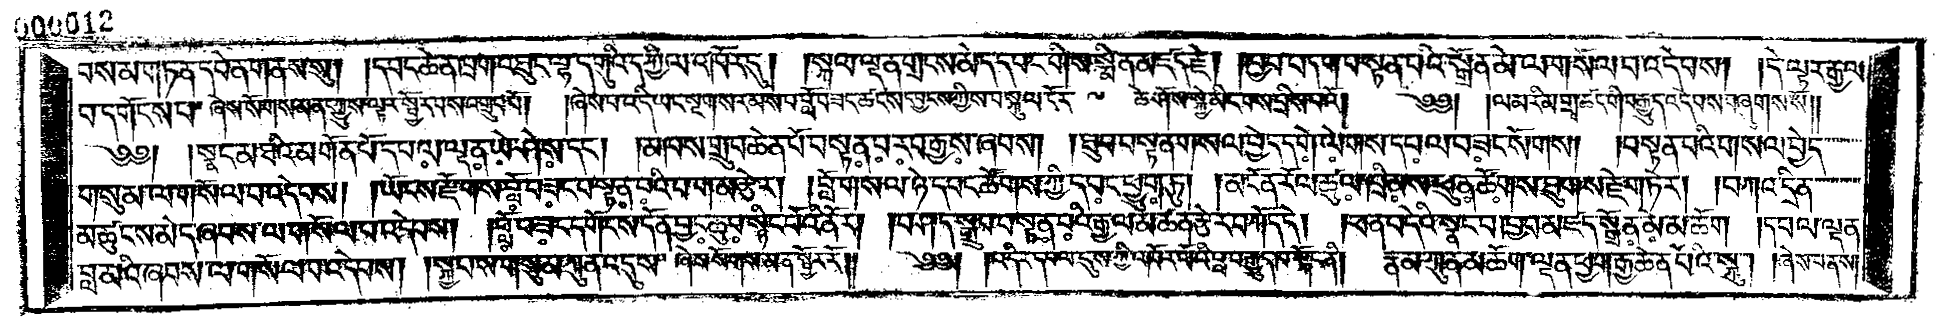བསམ་གཏན་དབེན་གནས་སུ། །དབང་ཆེན་ཁྲག་འཐུང་ལྷ་དགུའི་དཀྱིལ་འཁོར་དུ། །སྐལ་ལྡན་གྲངས་མེད་དབང་གིས་སྨིན་མཛད་རྗེ། །ཁྱབ་བདག་བསྟན་པའི་སྒྲོན་མེ་ལ་གསོལ་བ་འདེབས། །དེ་ལྟར་རྒྱལ་
བ་དགོངས་པ་ཞེས་སོགས་མན་དཀྱུས་ལྟར་སྦྱོར་བས་འགྲུབ་པོ། །ཞེས་པ་འདི་ཡང་སྔགས་རམས་པ་བློ་བཟང་ཚངས་དབྱངས་ཀྱིས་བསྐུལ་ངོར་༧་ཆེ་ཤོས་སྐྱེ་མིང་བས་བྲིས་པའོ།། ༄༅། །ལམ་རིམ་གྲྭ་ཚང་གི་བརྒྱུད་འདེབས་བཞུགས་སོ།།
༄༅། །སྣང་མཐའི་མགོན་པོ་དཔལ྾་ལྡན྾་ཡེ྾་ཤེས྾་དང་། །མཁས་གྲུབ་ཆེན་པོ་བསྟན྾་པ྾་རབ྾་རྒྱས྾་ཞབས། །ཐུབ་བསྟན་གསལ་བྱེད་དགེ྾་ལེགས྾་དཔལ྾་བཟང྾་སོགས། །བསྟན་པའི་གསལ་བྱེད་
གསུམ་ལ་གསོལ་བ་འདེབས། །ཡོངས་རྫོགས་བློ྾་བཟང྾་བསྟན྾་པའི྾་པ་གམ་རྩེར། །བློ་གསལ་ཉེ་དབང་ཚོགས་ཀྱི་དབང྾་ཕྱུག྾་ཏུ། །མངོན་རོལ་ཚུལ྾་ཁྲིམས྾་ཕུན྾་ཚོགས྾་ཐུགས་རྗེ་གཏེར། །བཀའ་དྲིན་
མཚུངས་མེད་ཞབས་ལ་གསོལ་བ་འདེབས། །བློ྾་བཟང྾་དགོངས་དོན་བྱང྾་ཆུབ྾་སྙིང་པོའི་ནོར། །བཤད་སྒྲུབ་བསྟན྾་པའི྾་རྒྱལ་མཚན་རྩེར་བཀོད་དེ། །ཕན་བདེའི་སྣང་བ་ཁྱབ་མཛད་སྒྲོན྾་མེ྾་མཆོག །དཔལ་ལྡན་
བླ་མའི་ཞབས་ལ་གསོལ་བ་འདེབས། །སྐྱབས་གསུམ་ཀུན་འདུས་ཞེས་སོགས་མན་སྦྱོར་རོ།། ༄༅། །འདིར་དཔལ་དུས་ཀྱི་འཁོར་ལོའི་བླ་བརྒྱུད་ཁ་སྐོང་ནི།  རྣམ་ཀུན་མཆོག་ལྡན་ཕྱག་རྒྱ་ཆེན་པོའི་སྐུ། །ཞེས་པ་ནས།